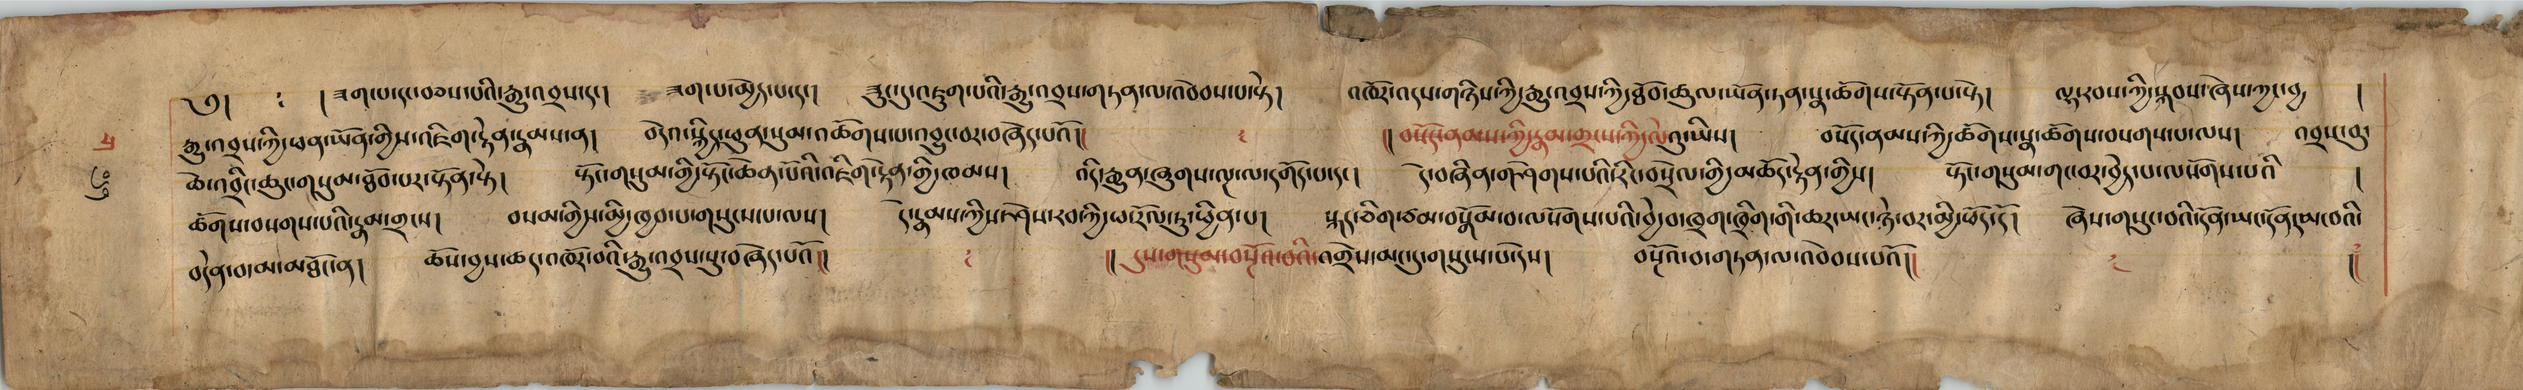༅། : ། ཟག་པ་དང་བཅས་པའི་རྒྱུ་འབྲས་དང། ཟག་པ་མྱེད་པ་དང། ཟུང་དུ་འཇུག་པའི་རྒྱུ་འབྲས་གཏན་ལ་འབེབས་པ་སྟེ། འཁོར་འདས་གཉིས་ཀྱི་རྒྱུ་འབྲས་ཀྱི་ཐོབ་ཚཱུལ་ཡོན་ཏན་སྣ་ཚོགས་སྟོན་པ་སྟེ། ལྷ་རབས་ཀྱི་སྐབས་ཞེས་ཀྱང་བྱ
རྒྱུ་འབྲས་ཀྱི་ཕན་ཡོན་གྱིས་འཇིག་རྟེན་རྣམས་ན། བདེའ་སྐྱིད་ཕུན་སུམ་འཚོགས་པ་འབྱུང་བར་བཞེད་པའོ།། །།བསོད་ནམས་ཀྱི་རྣམ་གྲངས་ཀྱི་ལེའུ་ཡིས། བསོད་ནམས་ཀྱི་ཚོགས་སྣ་ཚོགས་བསགས་པ་ལས། འབྲས་བུ་
ཆེ་འབྲིང་ཆུང་གསུམ་ཐོབ་པར་སྟོན་སྟེ། སྟོང་གསུམ་གྱི་སྟོང་ཆེན་པོའི་འཇིག་རྟེན་གྱི་ཁམས། འདི་རྒྱུན་ཞིགས་ལྔ་ལ་དགོད་པ་དང། དེ་བཞཱིན་གཤེགས་པའི་རིང་བསྲེལ་གྱི་མཆོད་རྟེན་གྱིས། སྟོང་གསུམ་གང་བར་བྱེད་པ་ལསོགས་པའི །
ཚོགས་བསགས་པའི་རྣམ་གྲངས། བསམ་གྱིས་མྱི་ཁྱབ་པ་གསུངས་པ་ལས། དེ་རྣམས་ཀྱིས་ཤེས་རབ་ཀྱི་ཕ་རོལ་ཏུ་ཕྱིན་པ། སྐད་ཅིག་ཙམ་བསྒོམ་བ་ལ་སོགས་པའི་བྱེ་བ་ཁྲག་ཁྲིག་གི་ཆར་ཡང་ཉེ་བར་མྱི་ཕོད་དོ། ཞེས་གསུང་བའི་དོན་ཡང་དོན་དམ་བའི་
བདེན་བ་མ་མཐོང་ན། ཆོས་བྱས་ཚད་འཁོར་བའི་རྒྱུ་འབྲས་སུ་བཞེད་པའོ།། །། དུས་གསུམ་བསྔོའ་བའི་འགྲེས་མང་དུ་གསུངས་པ་དེས། བསྔོའ་བ་གཏན་ལ་འབེབས་པའོ།།